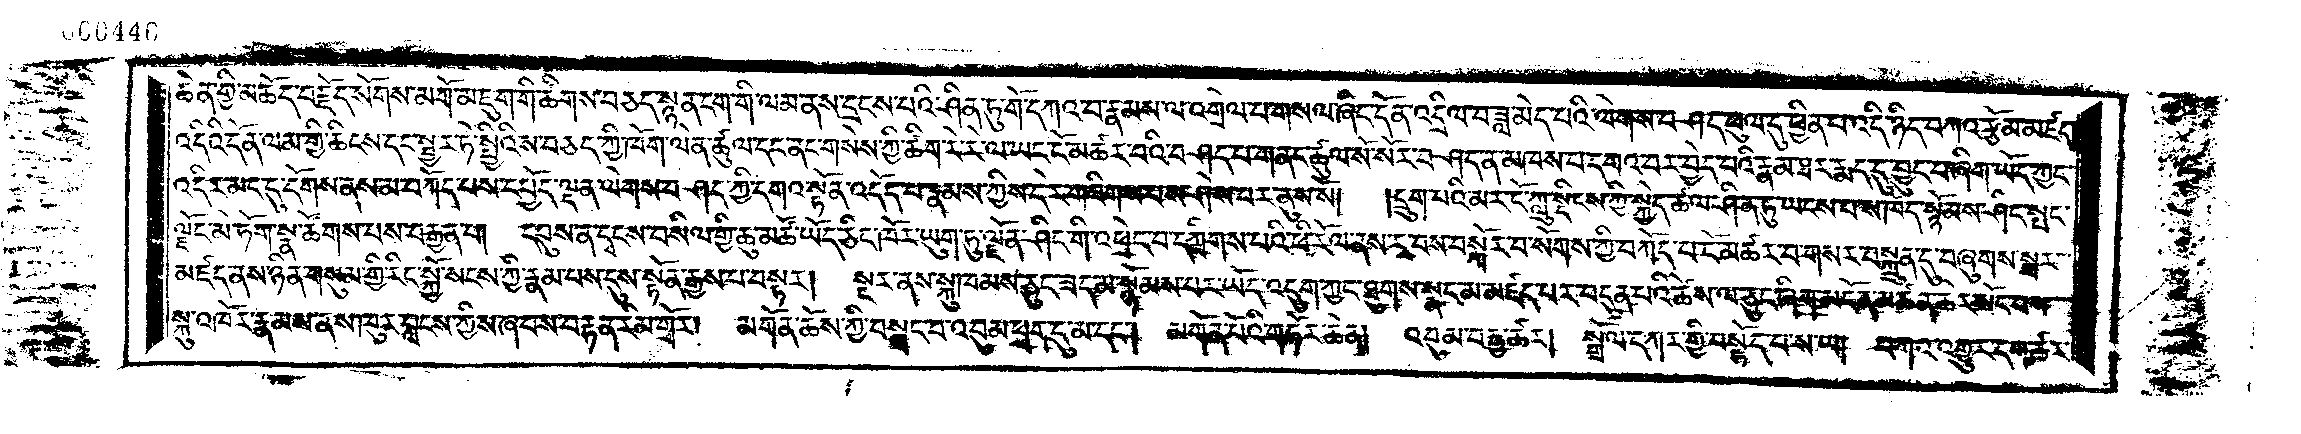ཆེན་གྱི་མཆོད་བརྗོད་སོགས་མགོ་མཇུག་གི་ཚིགས་བཅད་སྙན་ངག་གི་ལམ་ནས་དྲངས་པའི་ཤིན་ཏུ་གོ་དཀའ་བ་རྣམས་ལ་འགྲེལ་པ་གསལ་ཞིང་དོན་འདྲིལ་བ་ཟླ་མེད་པའི་ལེགས་བཤད་ཕུལ་དུ་ཕྱིན་པ་འདི་ཉིད་བཀའ་རྩོམ་མཛད།
འདིའི་དོན་ལམ་གྱི་ཆིངས་དང་སྦྱར་ཏེ་སྤྱིའི་ས་བཅད་ཀྱི་ཁོག་ལེན་ཚུལ་དང་ནང་གསེས་ཀྱི་ཚིག་རེ་རེ་ལ་ཡང་ངོ་མཚར་བའི་བཤད་པར་གནང་ཚུལ་སོ་སོར་བཤད་ན་མཁས་པ་དགའ་བར་བྱེད་པའི་རྣམ་ཐར་རྨད་དུ་བྱུང་བ་ཞིག་ཡོད་ཀྱང་
འདིར་མང་དུ་དོགས་ནས་མ་བཀོད་པས་དཔྱོད་ལྡན་ལེགས་བཤད་ཀྱི་དགའ་སྟོན་འདོད་པ་རྣམས་ཀྱིས་དེར་གཟིགས་པས་ཤེས་པར་ནུས་སོ། །དྲུག་པའི་མར་ངོ་ཀླུ་སྡིངས་ཀྱི་སྐྱེད་ཚལ་ཤིན་ཏུ་ཡངས་པ་ས་ཁོད་སྙོམས་ཤིང་སྤང་
ལྗོང་མེ་ཏོག་སྣ་ཚོགས་པས་བརྒྱན་པ། དབུས་ན་དྭངས་བསིལ་གྱི་ཆུ་མཚོ་ཡོད་ཅིང་ཁོར་ཡུག་ཏུ་ལྗོན་ཤིང་གི་འཕྲེང་བ་དཀྲིགས་པའི་ཕ་རོལ་ནས་རྭ་བས་བསྐོར་བ་སོགས་ཀྱི་བཀོད་པ་ངོ་མཚར་བ་གསར་བསྐྲུན་དུ་བཞུགས་སྒར་
མཛད་ནས་ཉིན་གསུམ་གྱི་རིང་སྐྱོ་སངས་ཀྱི་རྣམ་པས་དུས་སྟོན་རྒྱས་པ་བསྟར། སྔར་ནས་སྐུ་ཁམས་ཅུང་ཟད་མ་སྙོམས་པར་ཡོད་འདུག་ཀྱང་ཐུགས་སྣང་མ་མཛད་པར་བདུན་པའི་ཚེས་ལ་ཅུང་ཞིག་མངོན་མཚན་ཆེར་སོང་བས་
སྐུ་འཁོར་རྣམས་ནས་ཁུར་བླངས་ཀྱིས་ཞབས་བརྟན་རིམ་གྲོར། མགོན་ཆོས་ཀྱི་བསྐང་བ་འབུམ་ཕྲག་དུ་མ་དང་། མགོན་པོའི་གཏོར་ཆེན། འབུམ་བརྒྱ་ཚར། སྒྲོལ་དཀར་གྱི་བསྟོད་པ་ས་ཡ། བཀའ་འགྱུར་དག་ཚར་